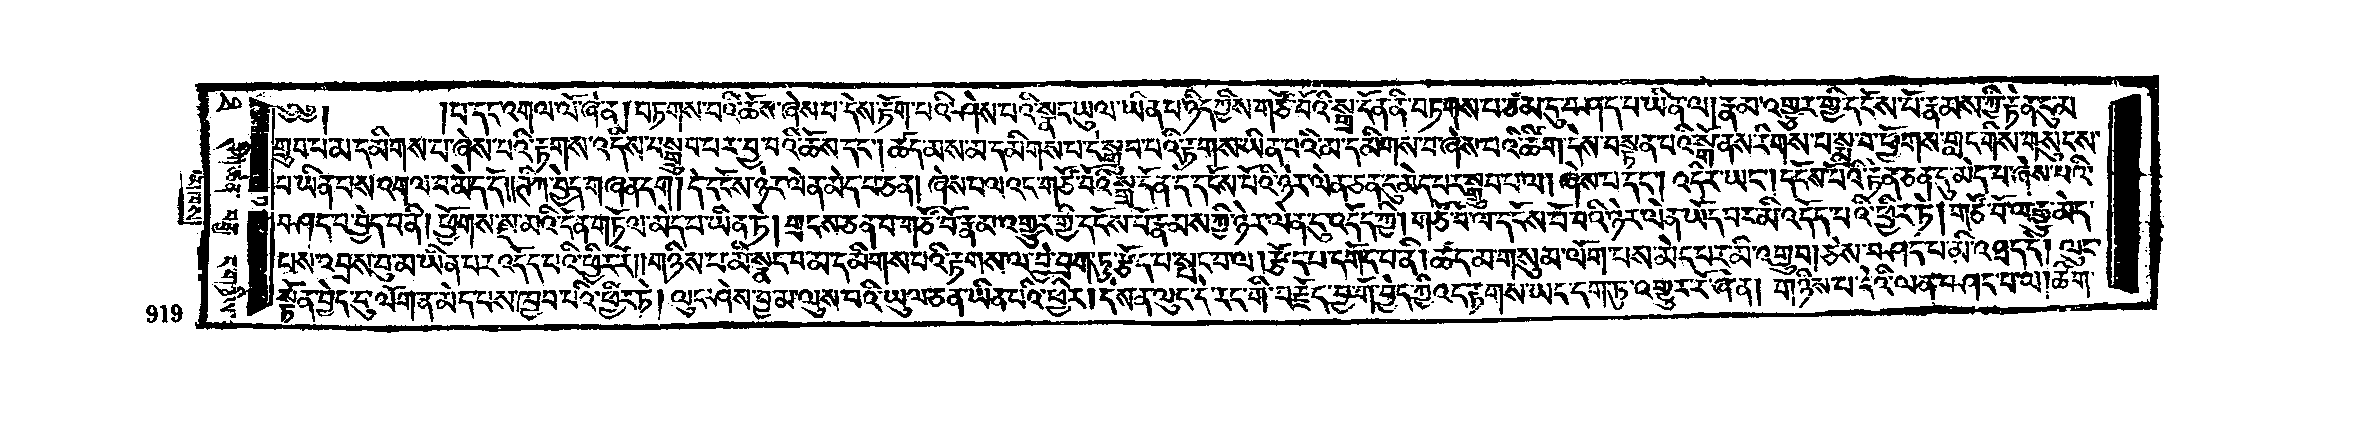༄༅། །པ་དང་འགལ་ལོ་ཞེ་ན། བཏགས་པའི་ཆོས་ཞེས་པ་དེས་རྟོག་པའི་ཤེས་པའི་སྣང་ཡུལ་ཡིན་པ་ཉིད་ཀྱིས་གཙོ་བོའི་སྒྲ་དོན་ནི་བཏགས་པ་ཙམ་དུ་བཤད་པ་ཡིན་ལ། རྣམ་འགྱུར་གྱི་དངོས་པོ་རྣམས་ཀྱི་རྟེན་དུ་མ་
གྲུབ་པ་མ་དམིགས་པ་ཞེས་པའི་རྟགས་འདིས་བསྒྲུབ་པར་བྱ་བའི་ཆོས་དང་། ཚད་མས་མ་དམིགས་པ་དེ་སྒྲུབ་པའི་རྟགས་ཡིན་པའི་མ་དམིགས་པ་ཞེས་པའི་ཚིག་དེས་བསྟན་པའི་སྒོ་ནས་རིགས་པ་སྨྲ་བ་ཕྱོགས་གླང་གིས་གསུངས་
པ་ཡིན་པས་འགལ་བ་མེད་དོ། །ཊཱིཀ་བྱེད་གཞན་དག །དེ་དངོས་ཉེར་ལེན་མེད་པ་ཅན། ཞེས་པ་ལའང་གཙོ་བོའི་སྒྲ་དོན་དེ་དངོས་པོའི་ཉེར་ལེན་ཅན་དུ་མེད་པར་སྒྲུབ་པ་ལ། ཞེས་པ་དང་། འདིར་ཡང་། དངོས་པོའི་རྟེན་ཅན་དུ་མེད་པ་ཞེས་པའི་
བཤད་པ་བྱེད་པ་ནི། ཕྱོགས་སྔ་མའི་དོན་གཏོལ་མེད་པ་ཡིན་ཏེ། གྲངས་ཅན་པ་གཙོ་བོ་རྣམ་འགྱུར་གྱི་དངོས་པོ་རྣམས་ཀྱི་ཉེར་ལེན་དུ་འདོད་ཀྱི། གཙོ་བོ་ལ་དངོས་པོ་བའི་ཉེར་ལེན་ཡོད་པར་མི་འདོད་པའི་ཕྱིར་ཏེ། གཙོ་བོ་ལ་རྒྱུ་མེད་
པས་འབྲས་བུ་མ་ཡིན་པར་འདོད་པའི་ཕྱིར་རོ། །གཉིས་པ་མི་སྣང་བ་མ་དམིགས་པའི་རྟགས་ལ་བྱེ་བྲག་ཏུ་རྩོད་པ་སྤང་བ་ལ། རྩོད་པ་དགོད་པ་ནི། ཚད་མ་གསུམ་ལོག་པས་མེད་པར་མི་འགྲུབ། ཅེས་བཤད་པ་མི་འཐད་དེ། ལུང་
སྟོན་བྱེད་དུ་ལོག་ན་མེད་པས་ཁྱབ་པའི་ཕྱིར་ཏེ། ལུང་ཤེས་བྱ་མ་ལུས་པའི་ཡུལ་ཅན་ཡིན་པའི་ཕྱིར། དེས་ན་ལུང་དེ་རང་གི་བརྗོད་བྱ་གོ་བྱེད་ཀྱིའང་རྟགས་ཡང་དག་ཏུ་འགྱུར་རོ་ཞེ་ན། གཉིས་པ་དེའི་ལན་བཤད་པ་ལ། ཚིག་